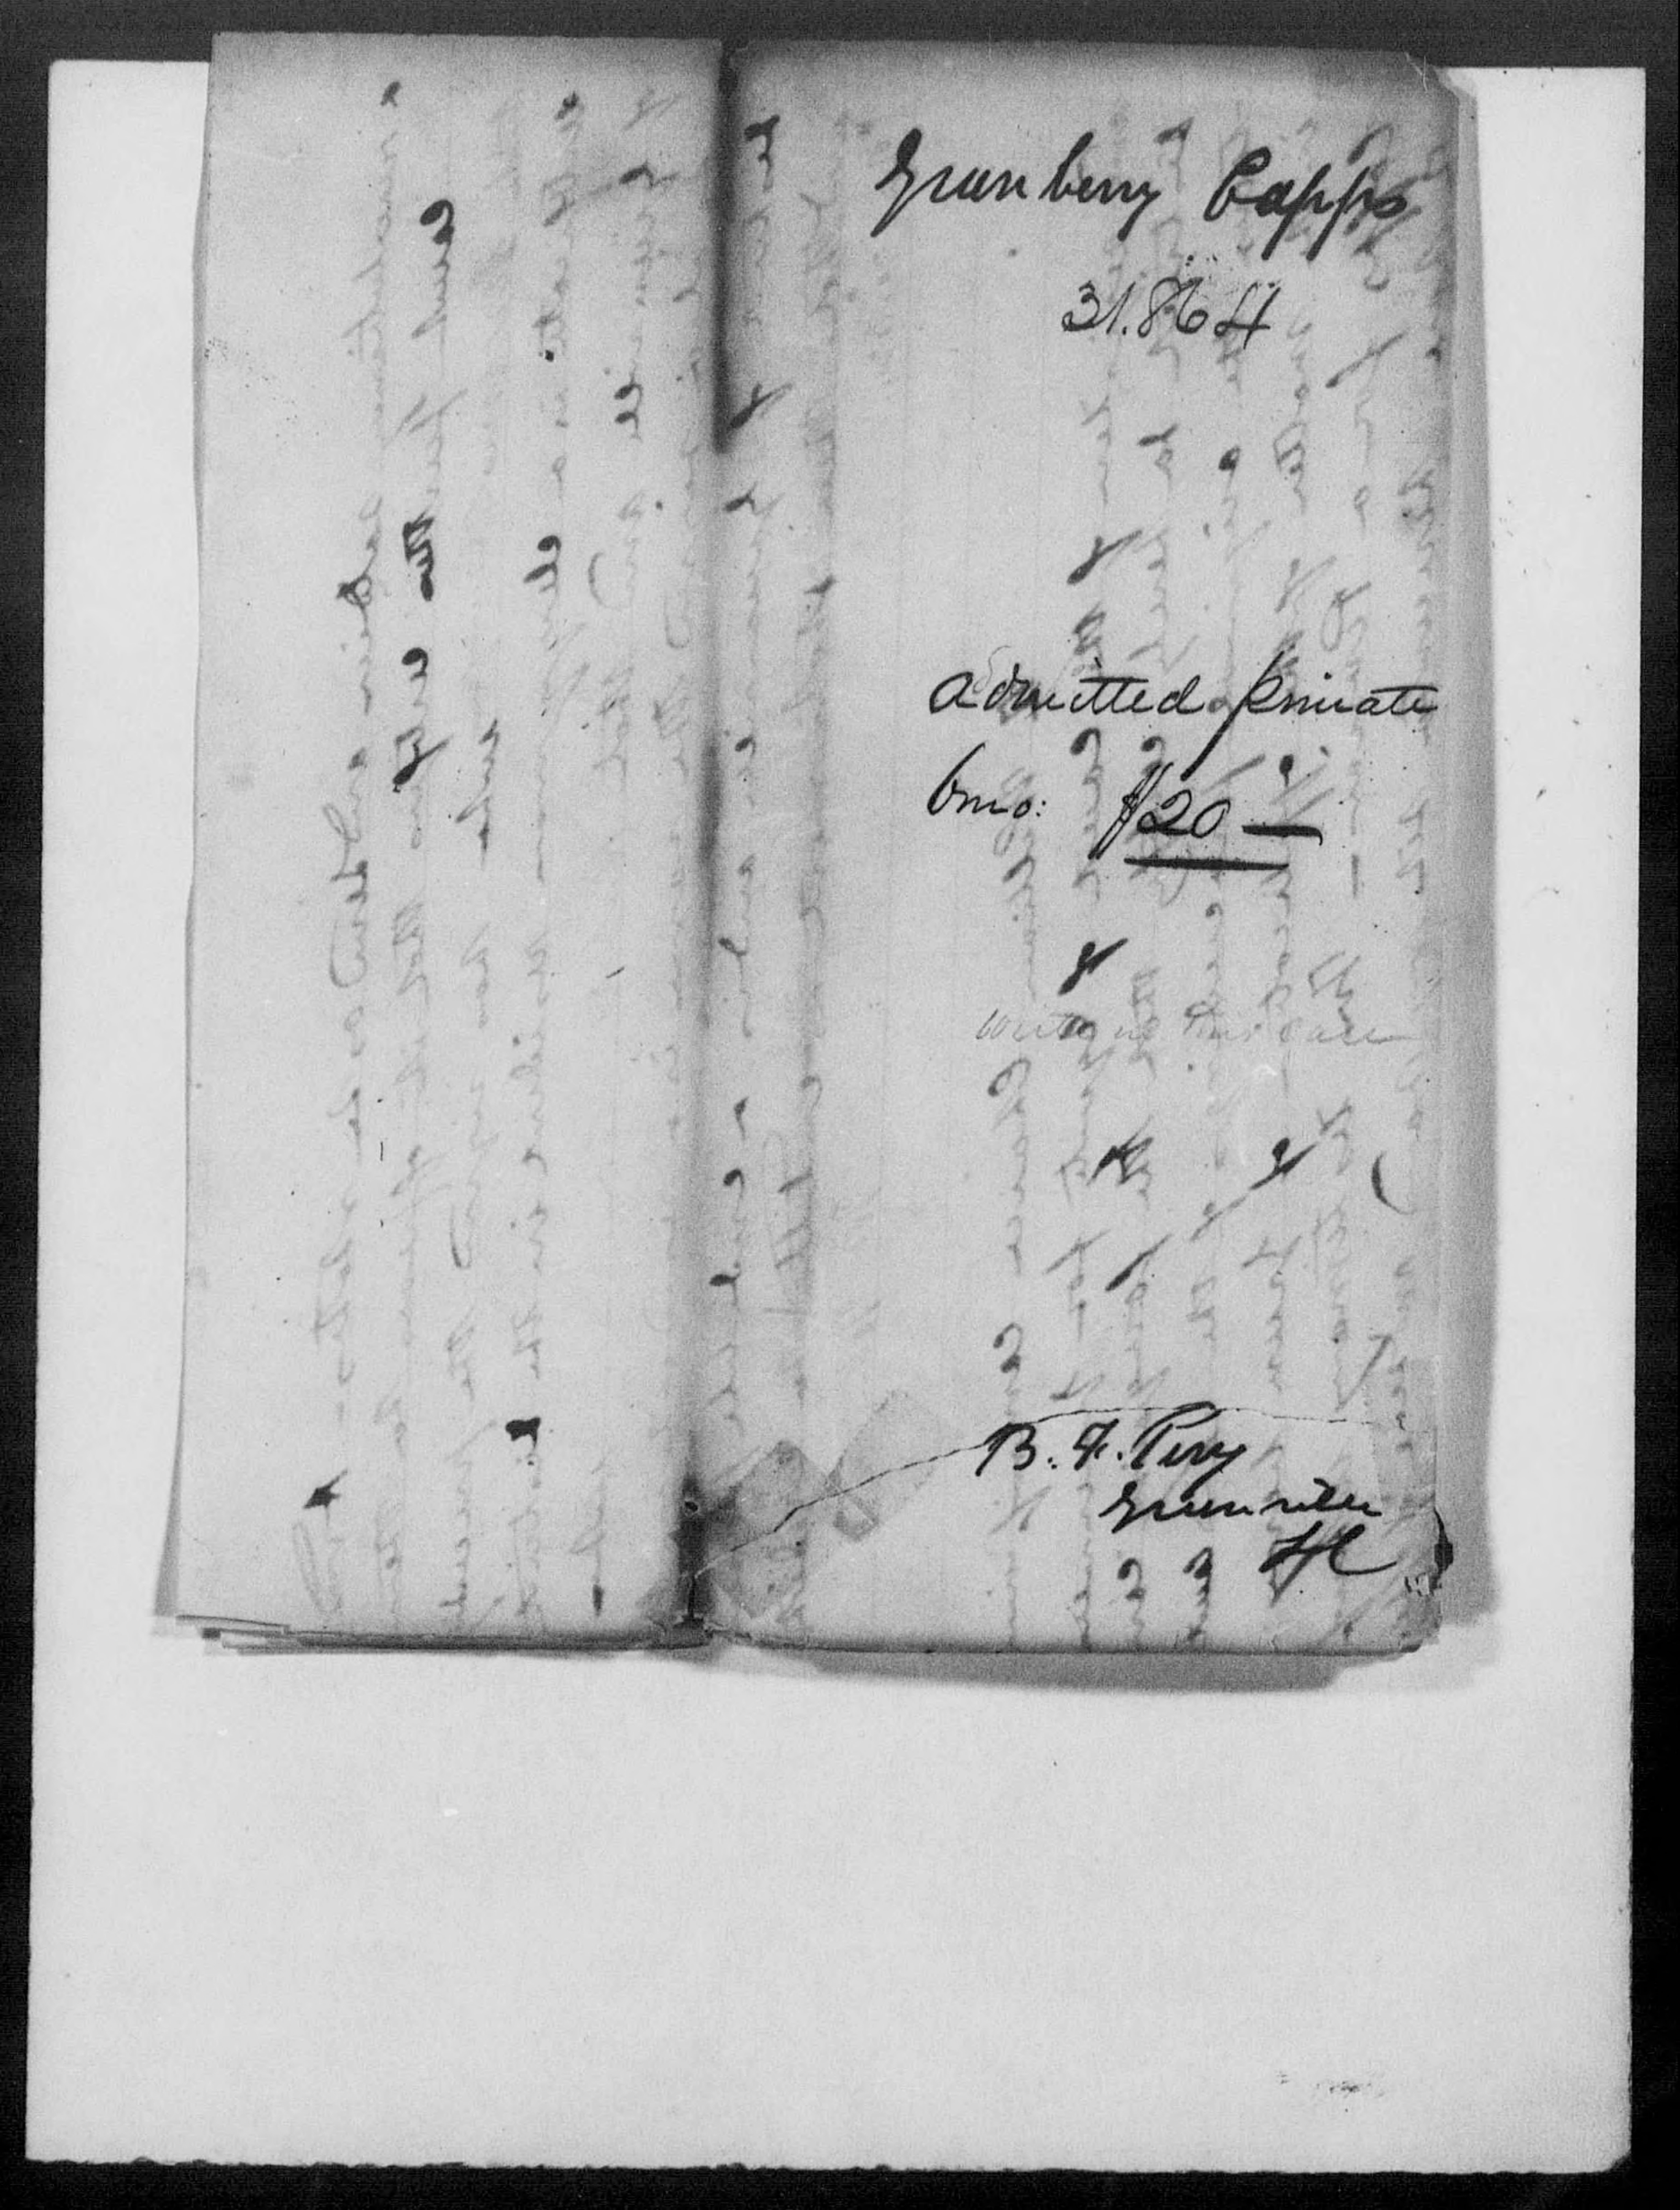Granberry Capps
31.864
admitted private
Amo: $20
B. F. Pery
[ineligible]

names: B F Pery, Greenberry Capps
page: 3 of 26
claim: survivor's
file: S. 21105, Greenbery Caps, S.C.